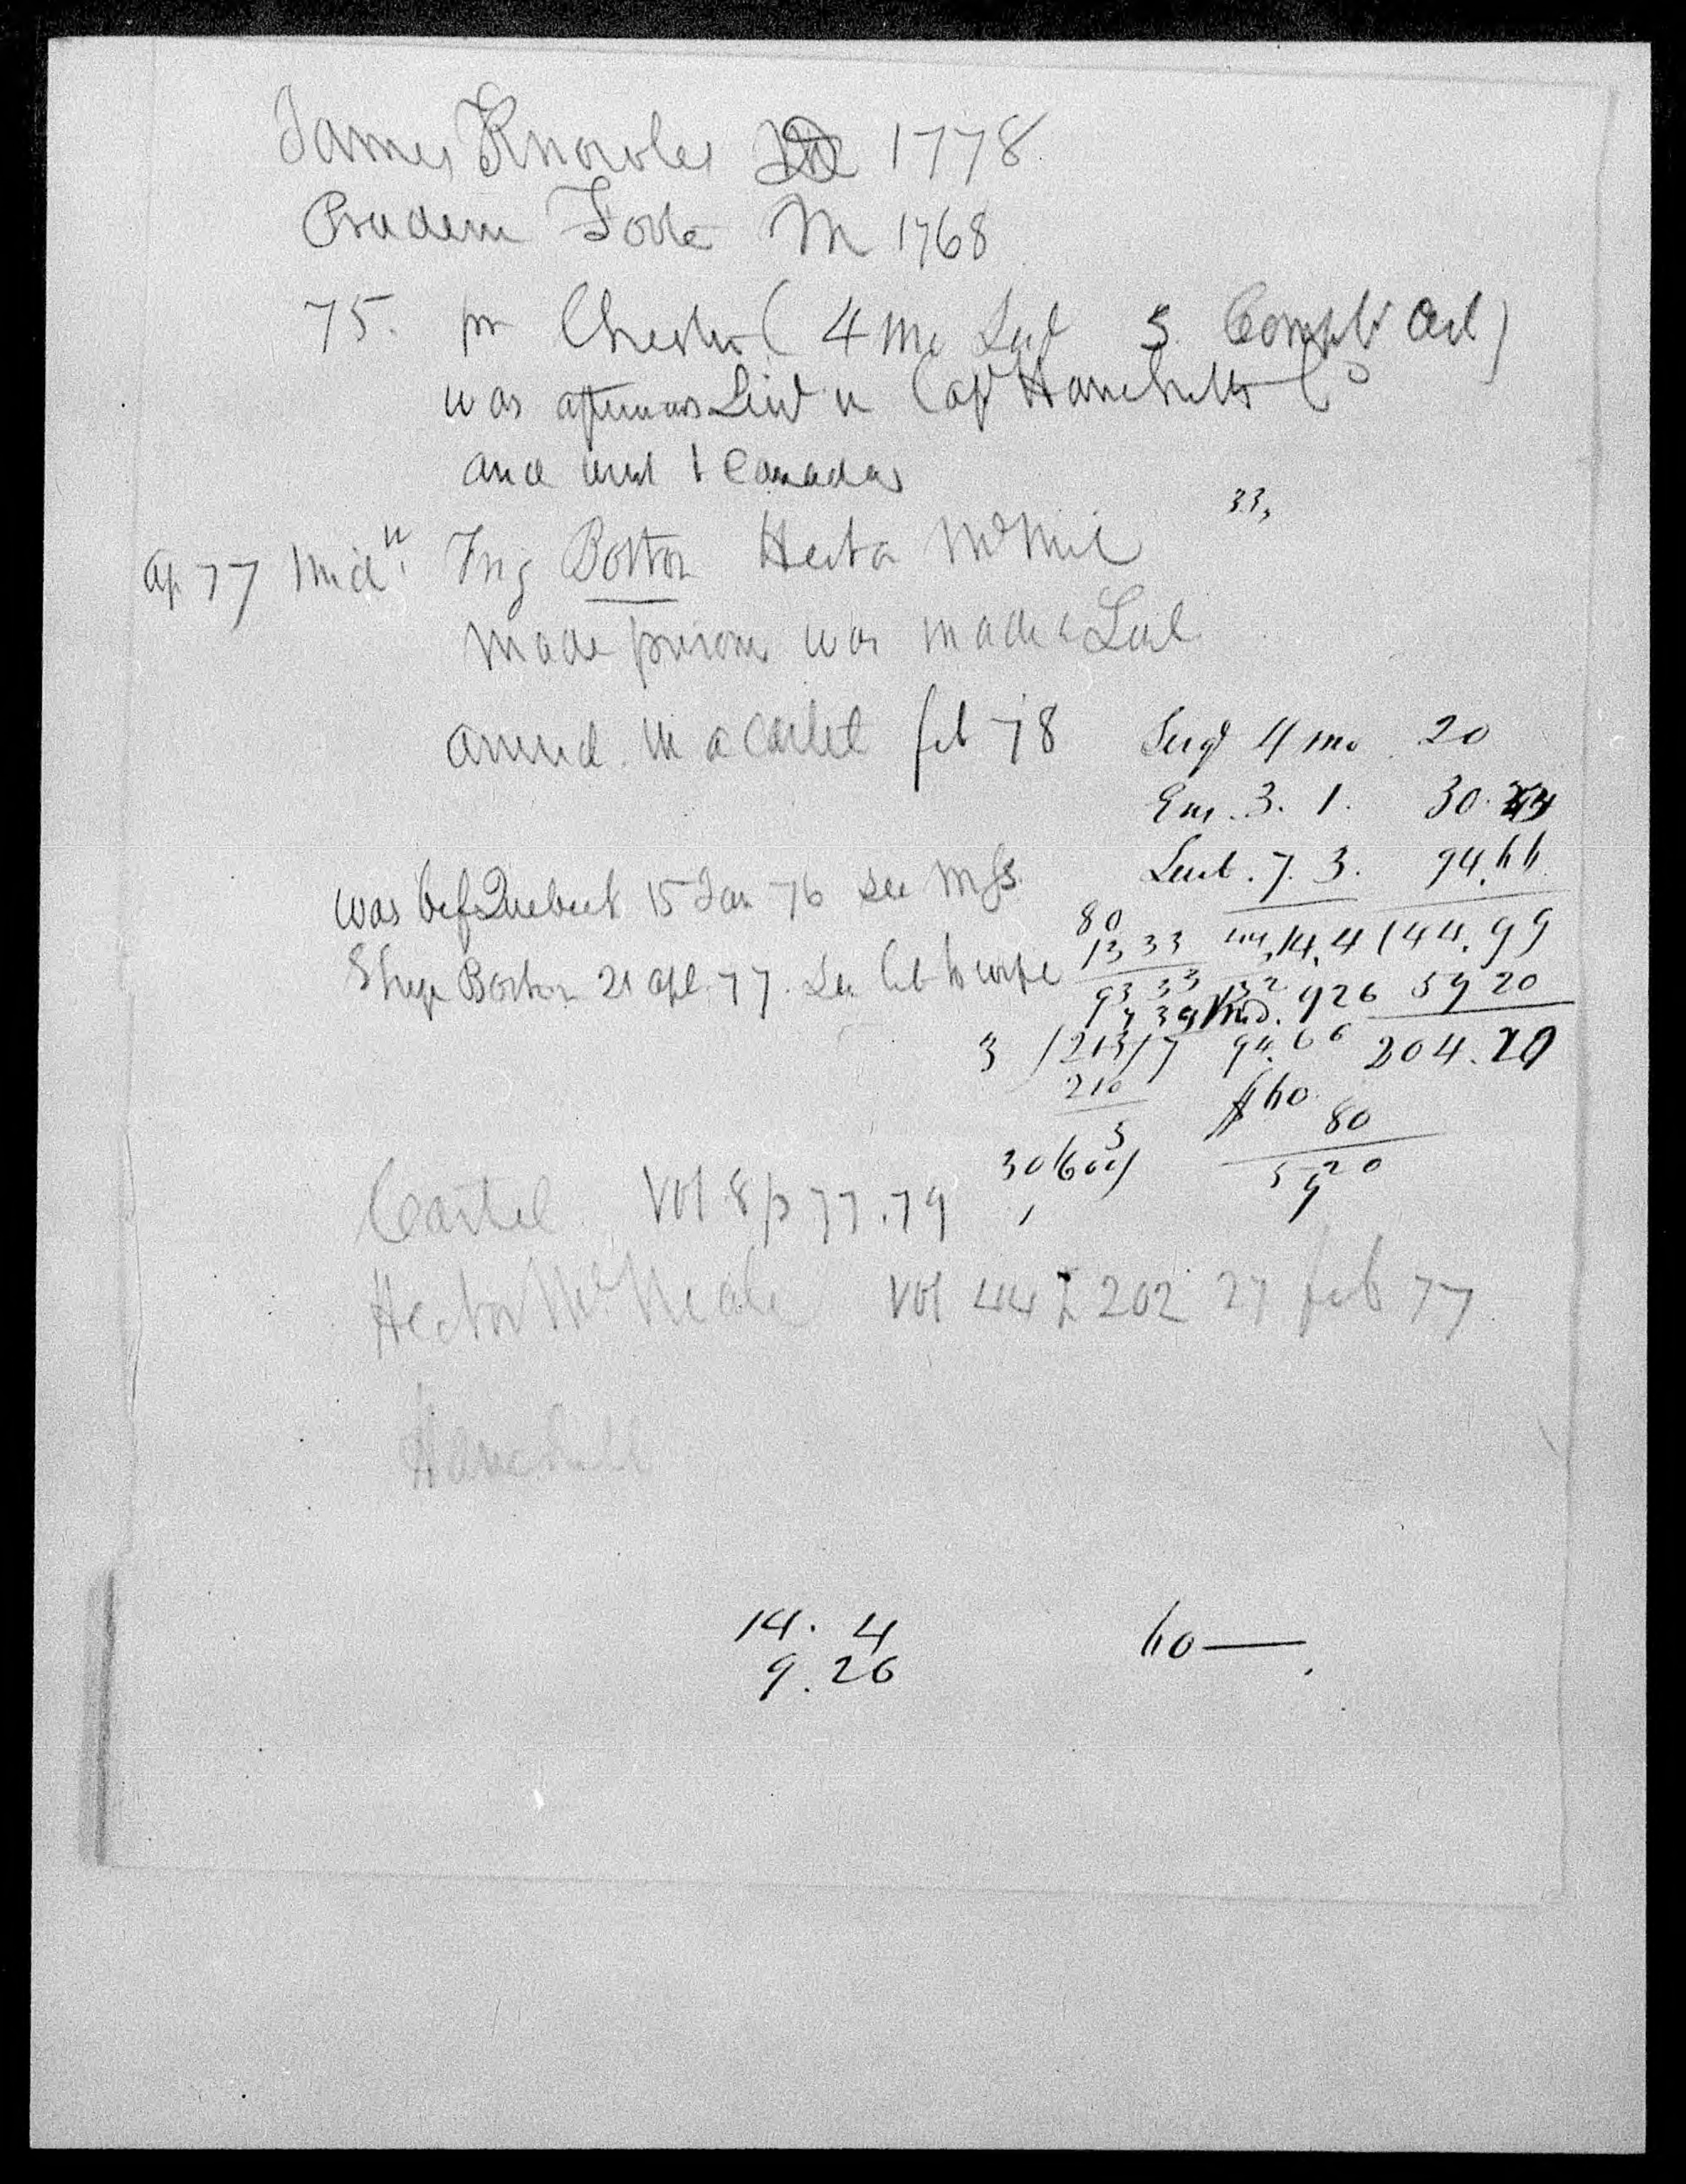( some illegible words/abbreviations)

James Knowles D 1778
Prudence Foote M 1768
75.  m Chester ( 4 mi Sud  5 Comsit Art)
was afterward Livd in  Capt Hanchetts
and (illegible word) 1 Canada
Ap. 77 Midn. Frig Boston  Hector McNeil
arrived in a cartel Feb '78
was bef Quebec 15 Jan 76 see mss.
Ship Boston 21 Apl 77  See Cit to wife
Sergt 4 mo.  20
Ens. 3. 1. 30.44
Leut.  7. 3. 94.66

(additional numbers and figuring)

30,6001   5920

Cartel Vol 8 p. 77.79
Hector McNeil  Vol 44 l 202 27 feb 77

14.4    60--
9.26
Hanchett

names: James Knowles; Hector Mc Neil; Prudence Foot; [BLANK] Hanchett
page: 48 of 60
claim: widow's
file: W. 14,036, for James Knowles, Connecticut